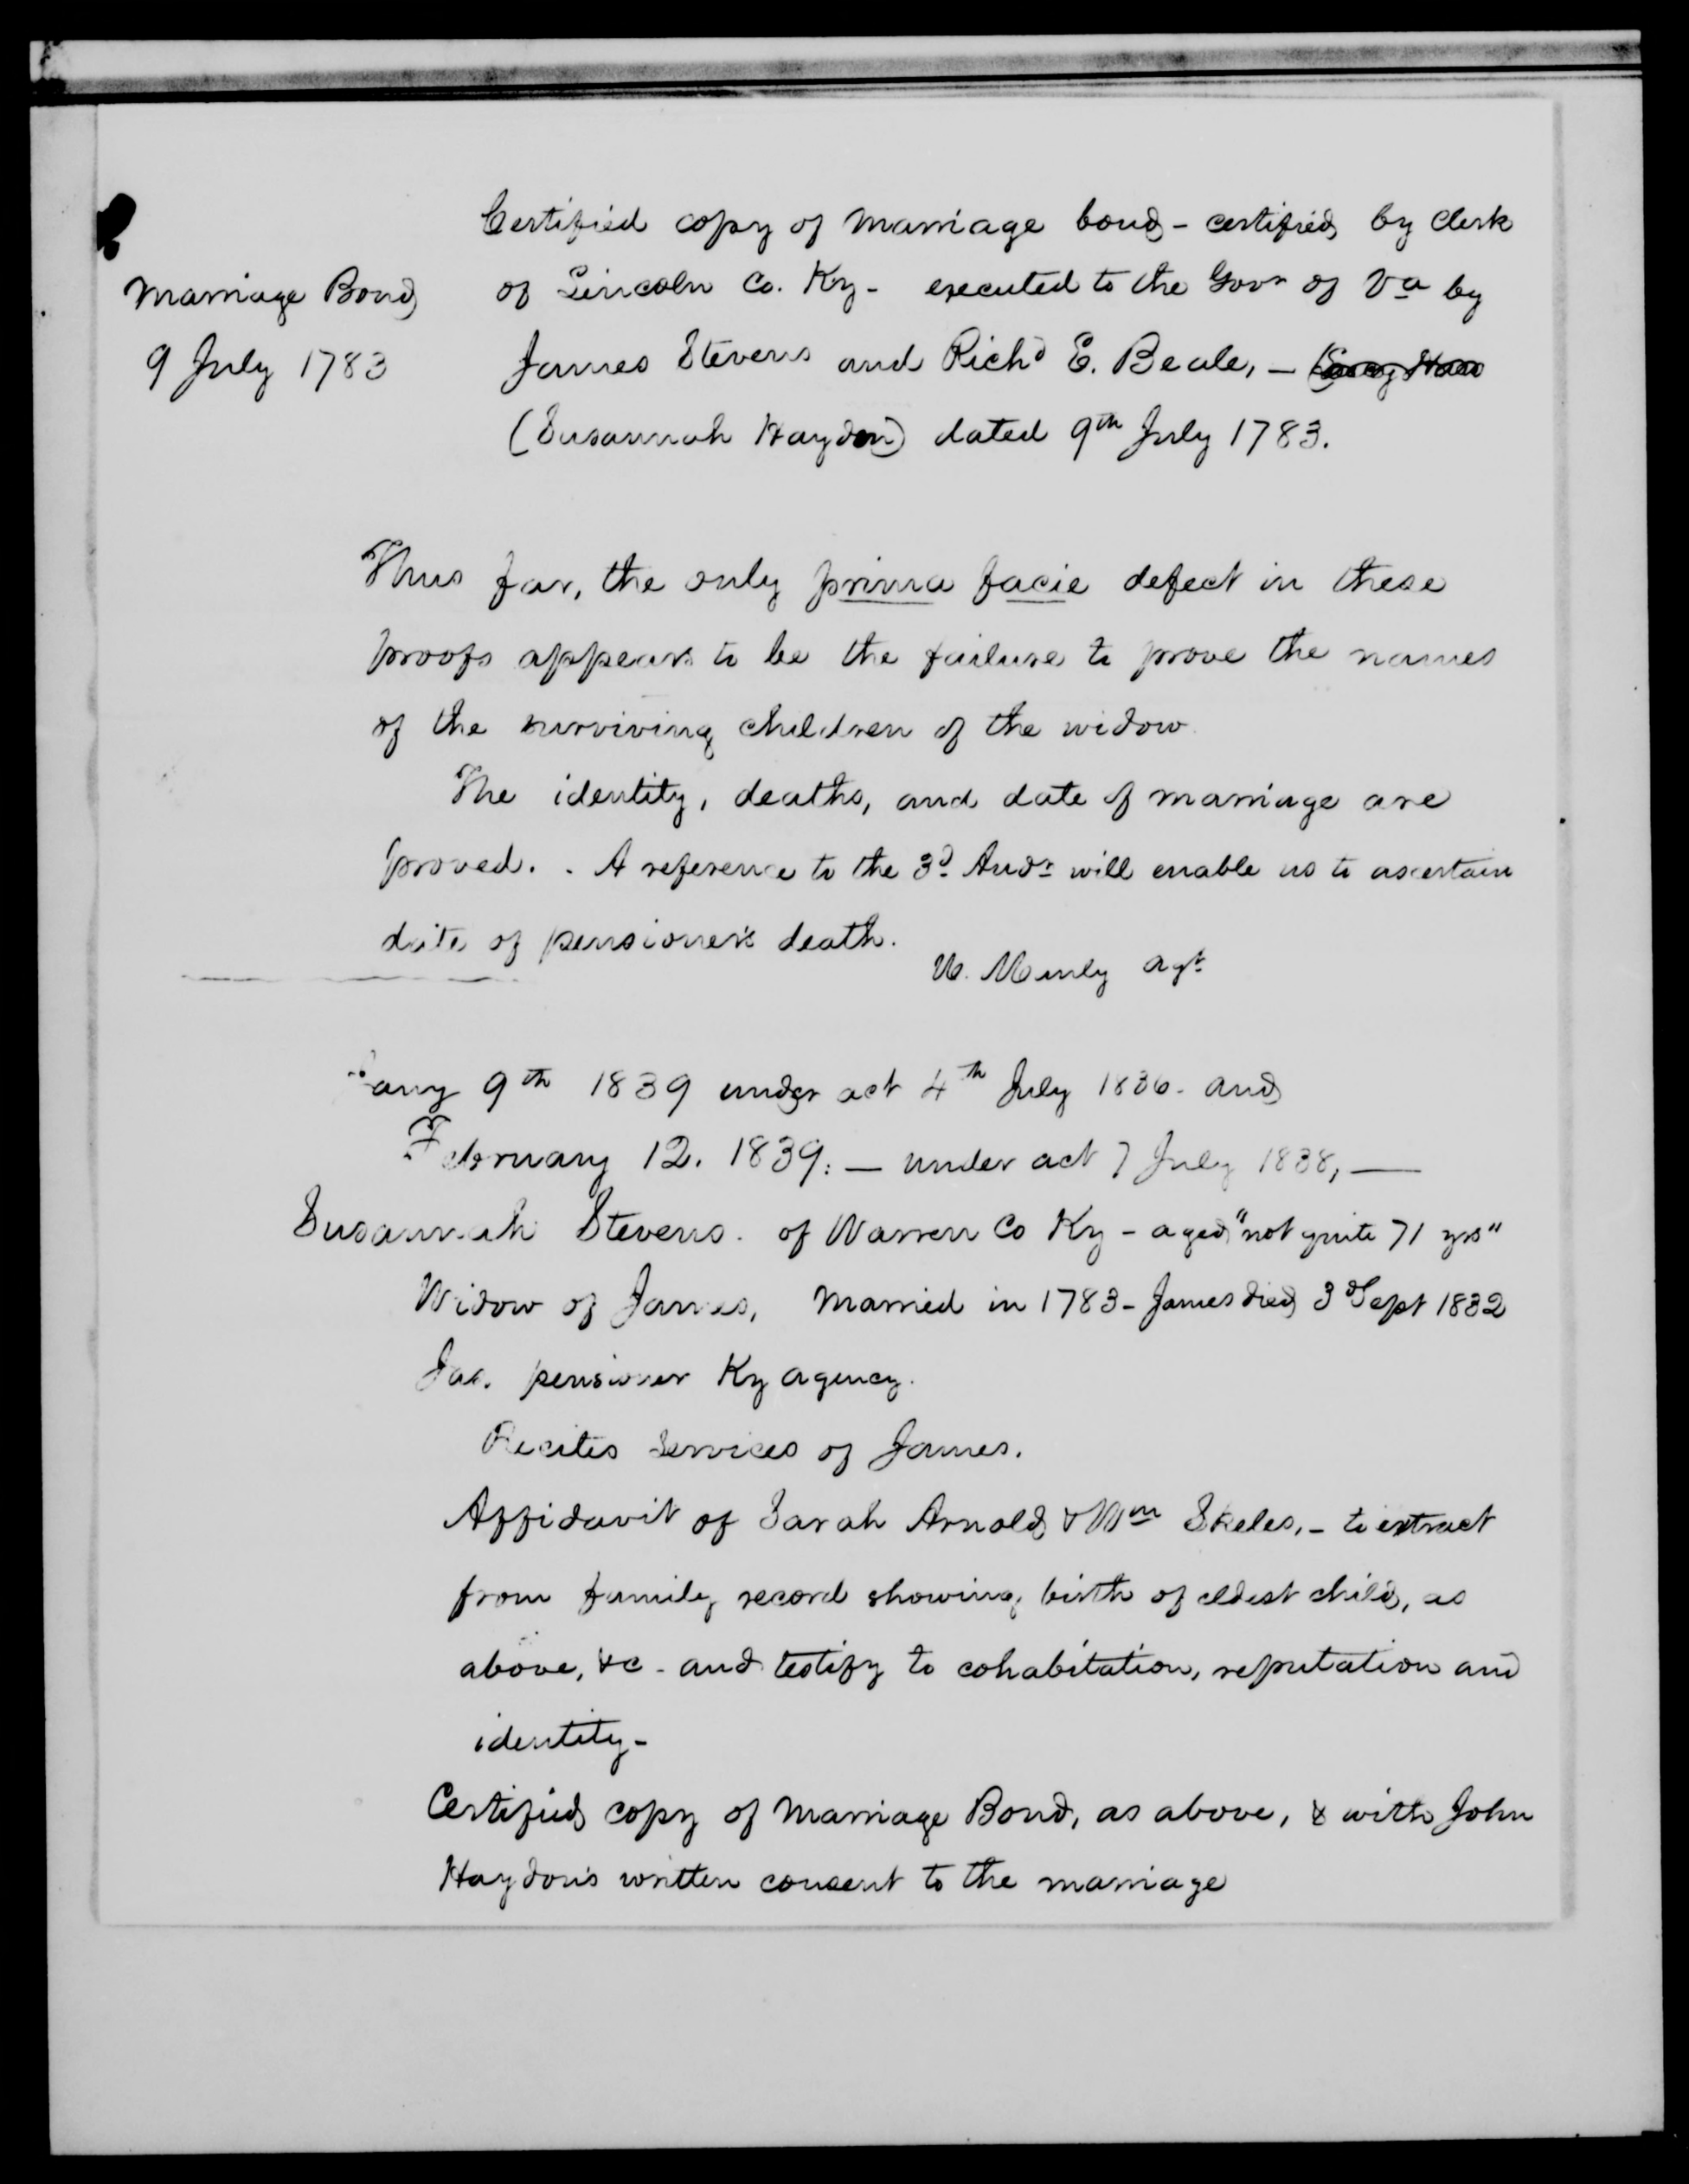Marriage Bond
9 July 1783
Certified copy of marriage bond - certified by Clerk of Lincoln Co. Ky. - executed to the Gov of Va by James Stevens and Richard E. Beale, (Susannah Haydon) dated 9th July 1783.
Thus far, the only prima facie defect in these
proofs appears to be the failure to prove the names of the surviving children of the widow.
The identity, deaths, and date of marriage are
proved. A reference to the 3d Audr will enable us to ascertain date of pensioner's death.
W. Manly Agt
Janry 9th 1839 under act 4th July 1836 and February 12, 1839. - under act 7 July 1838,
Susannah Stevens of Warren Co Ky - aged "not quite 71 yrs" Widow of James, Married in 1783 - James died 3 Sept 1832
Jas. pensioner Ky agency.
Recites services of James.
Affidavit of Sarah Arnold & Wm Skeles, to extract
from family record showing birth of eldest child, as above, and testify to cohabitation, reputation and identity.
Certified copy of Marriage Bond, as above, & with John Haydon's written consent to the marriage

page: 97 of 99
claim: widow's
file: W 8766, for James Stevens, Virginia